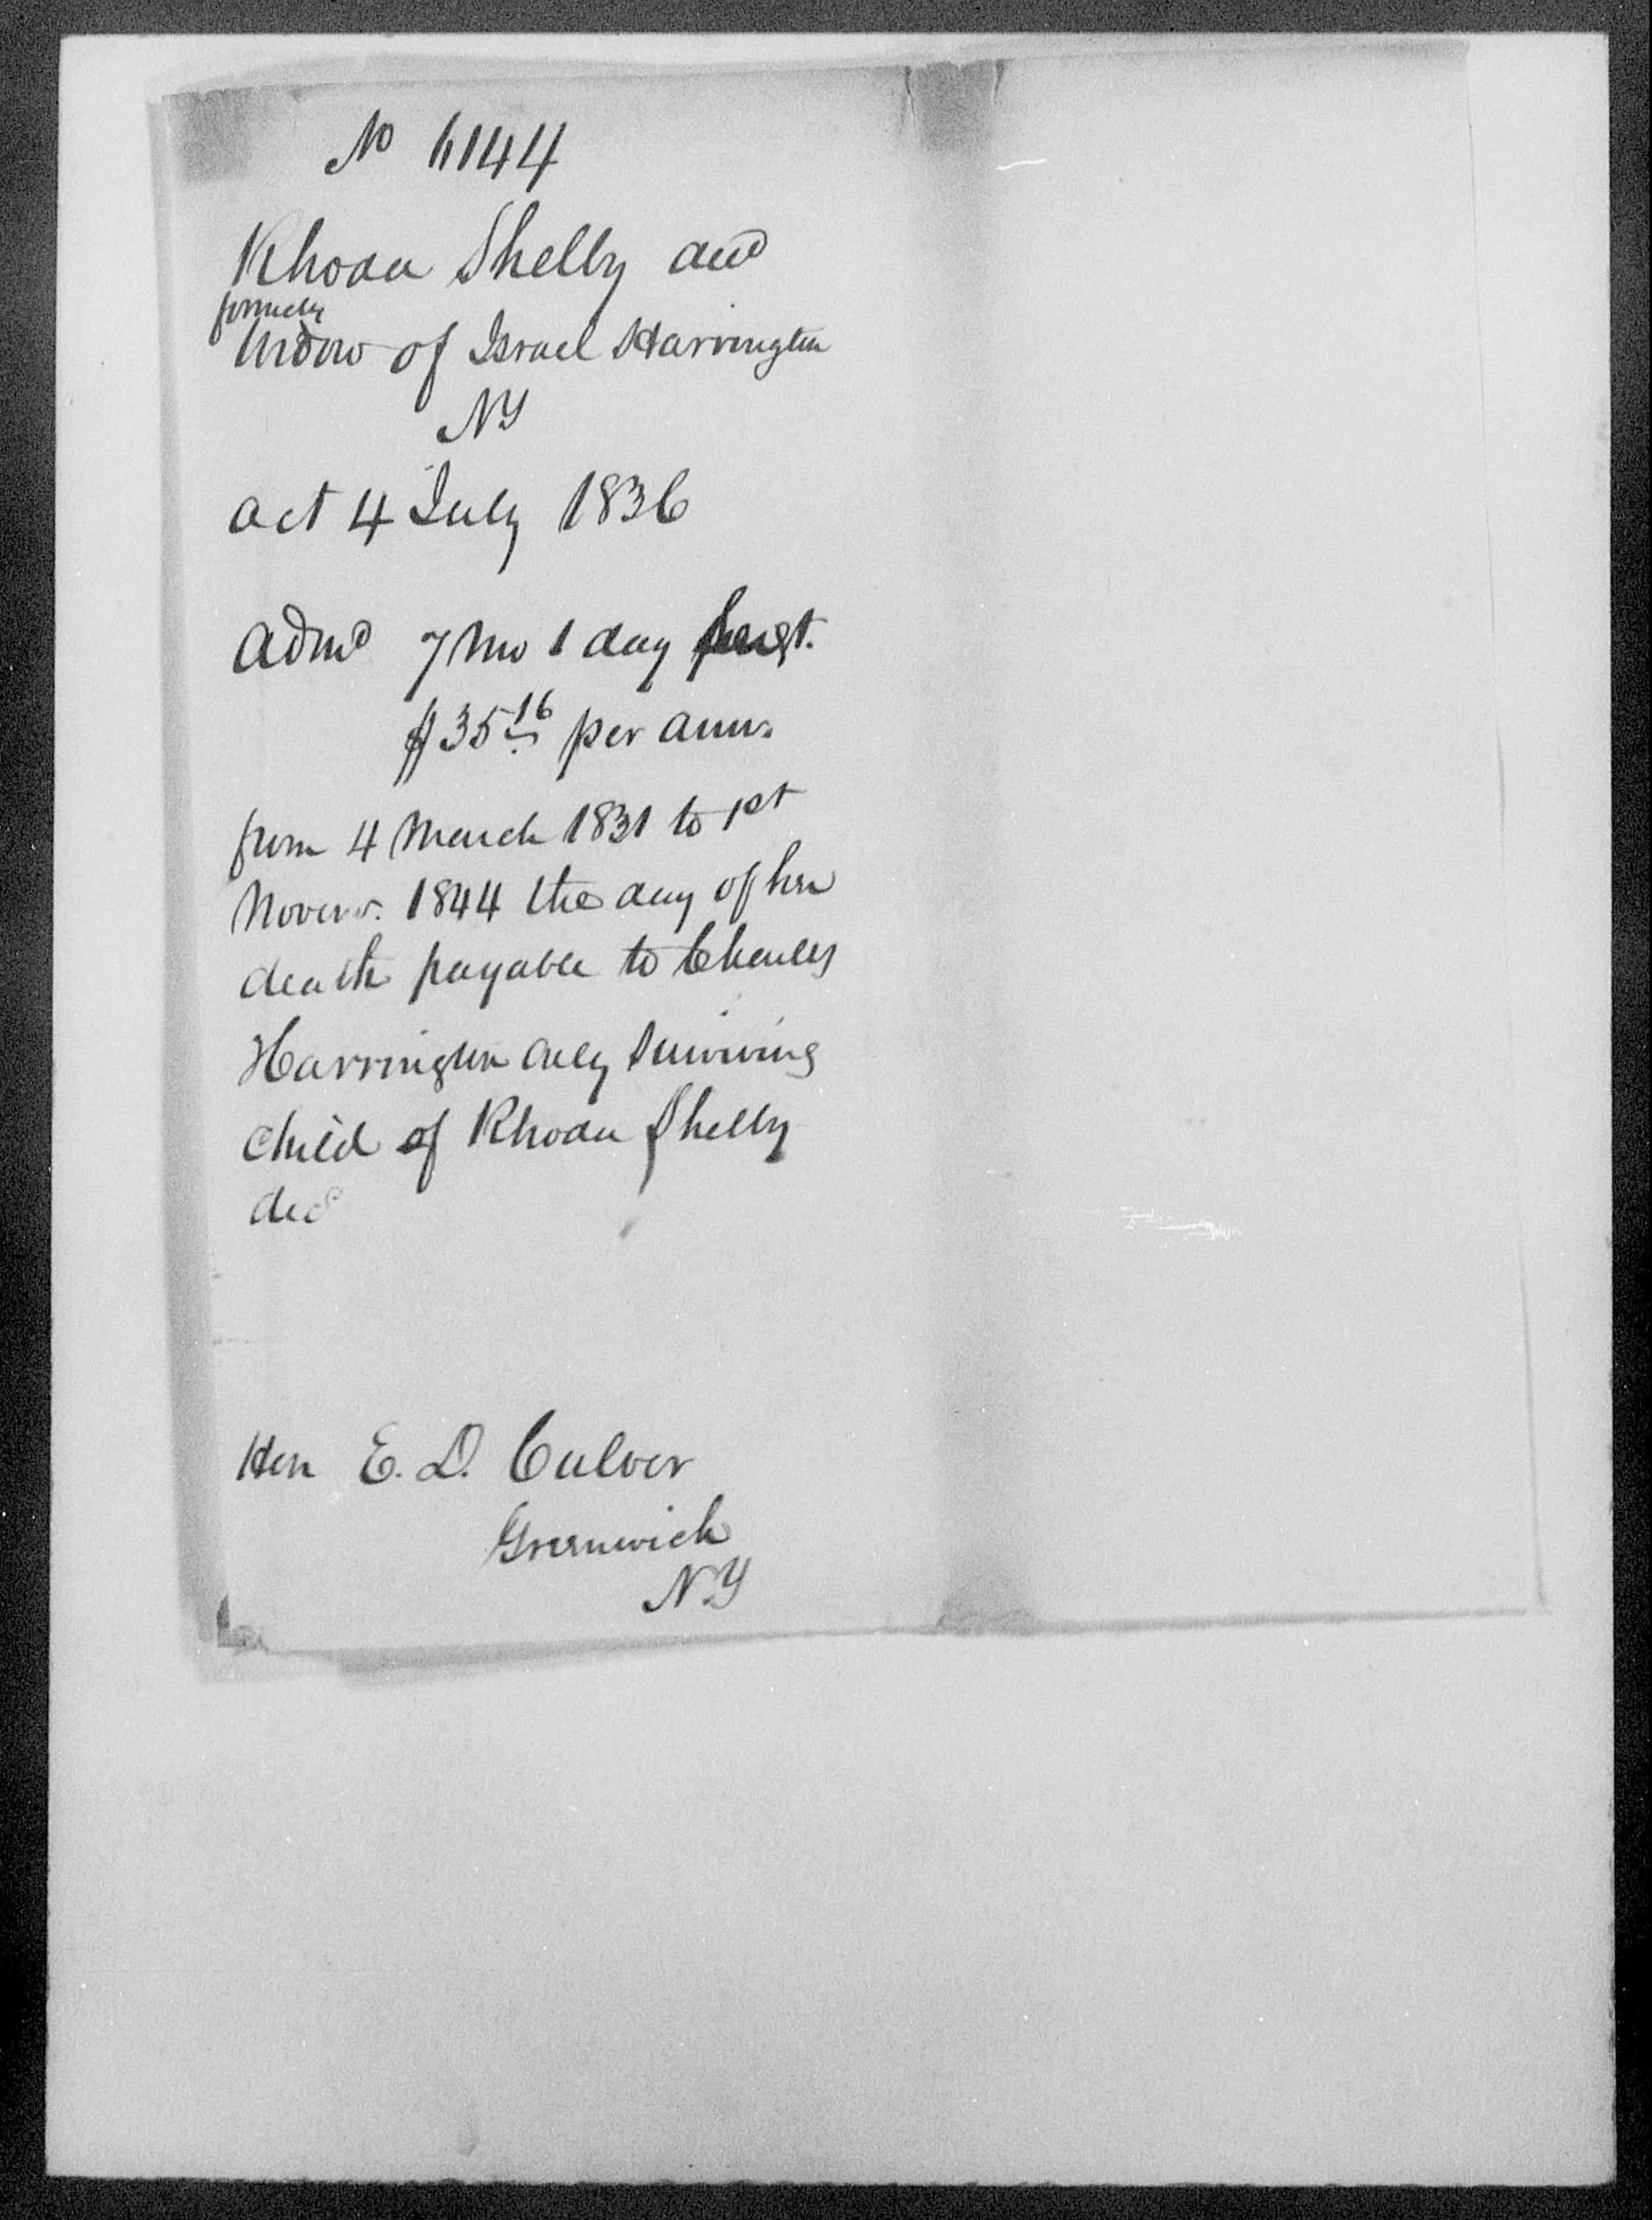No 6144

Rhoda Shelly decd [deceased]
formerly widow of Israel Harrington
NY
act 4 July 1836

admd 7 mo [month] 1 day Sergt. [Sergeant]
$35.16 per ann.

from 4 March 1831 to 1st Novemr. [November] 1844 the day of her death payable to Charles Harrington only surviving child of Rhoda Shelly decd [deceased]

Hon E.D. Culver
Greenwich N.Y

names: Charles Harrington, Rhoda Shelby, E D Culver, Israel Harrington, Rhoda Shelby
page: 17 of 51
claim: widow's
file: W. 19,026, Israel Harrington, R.I.